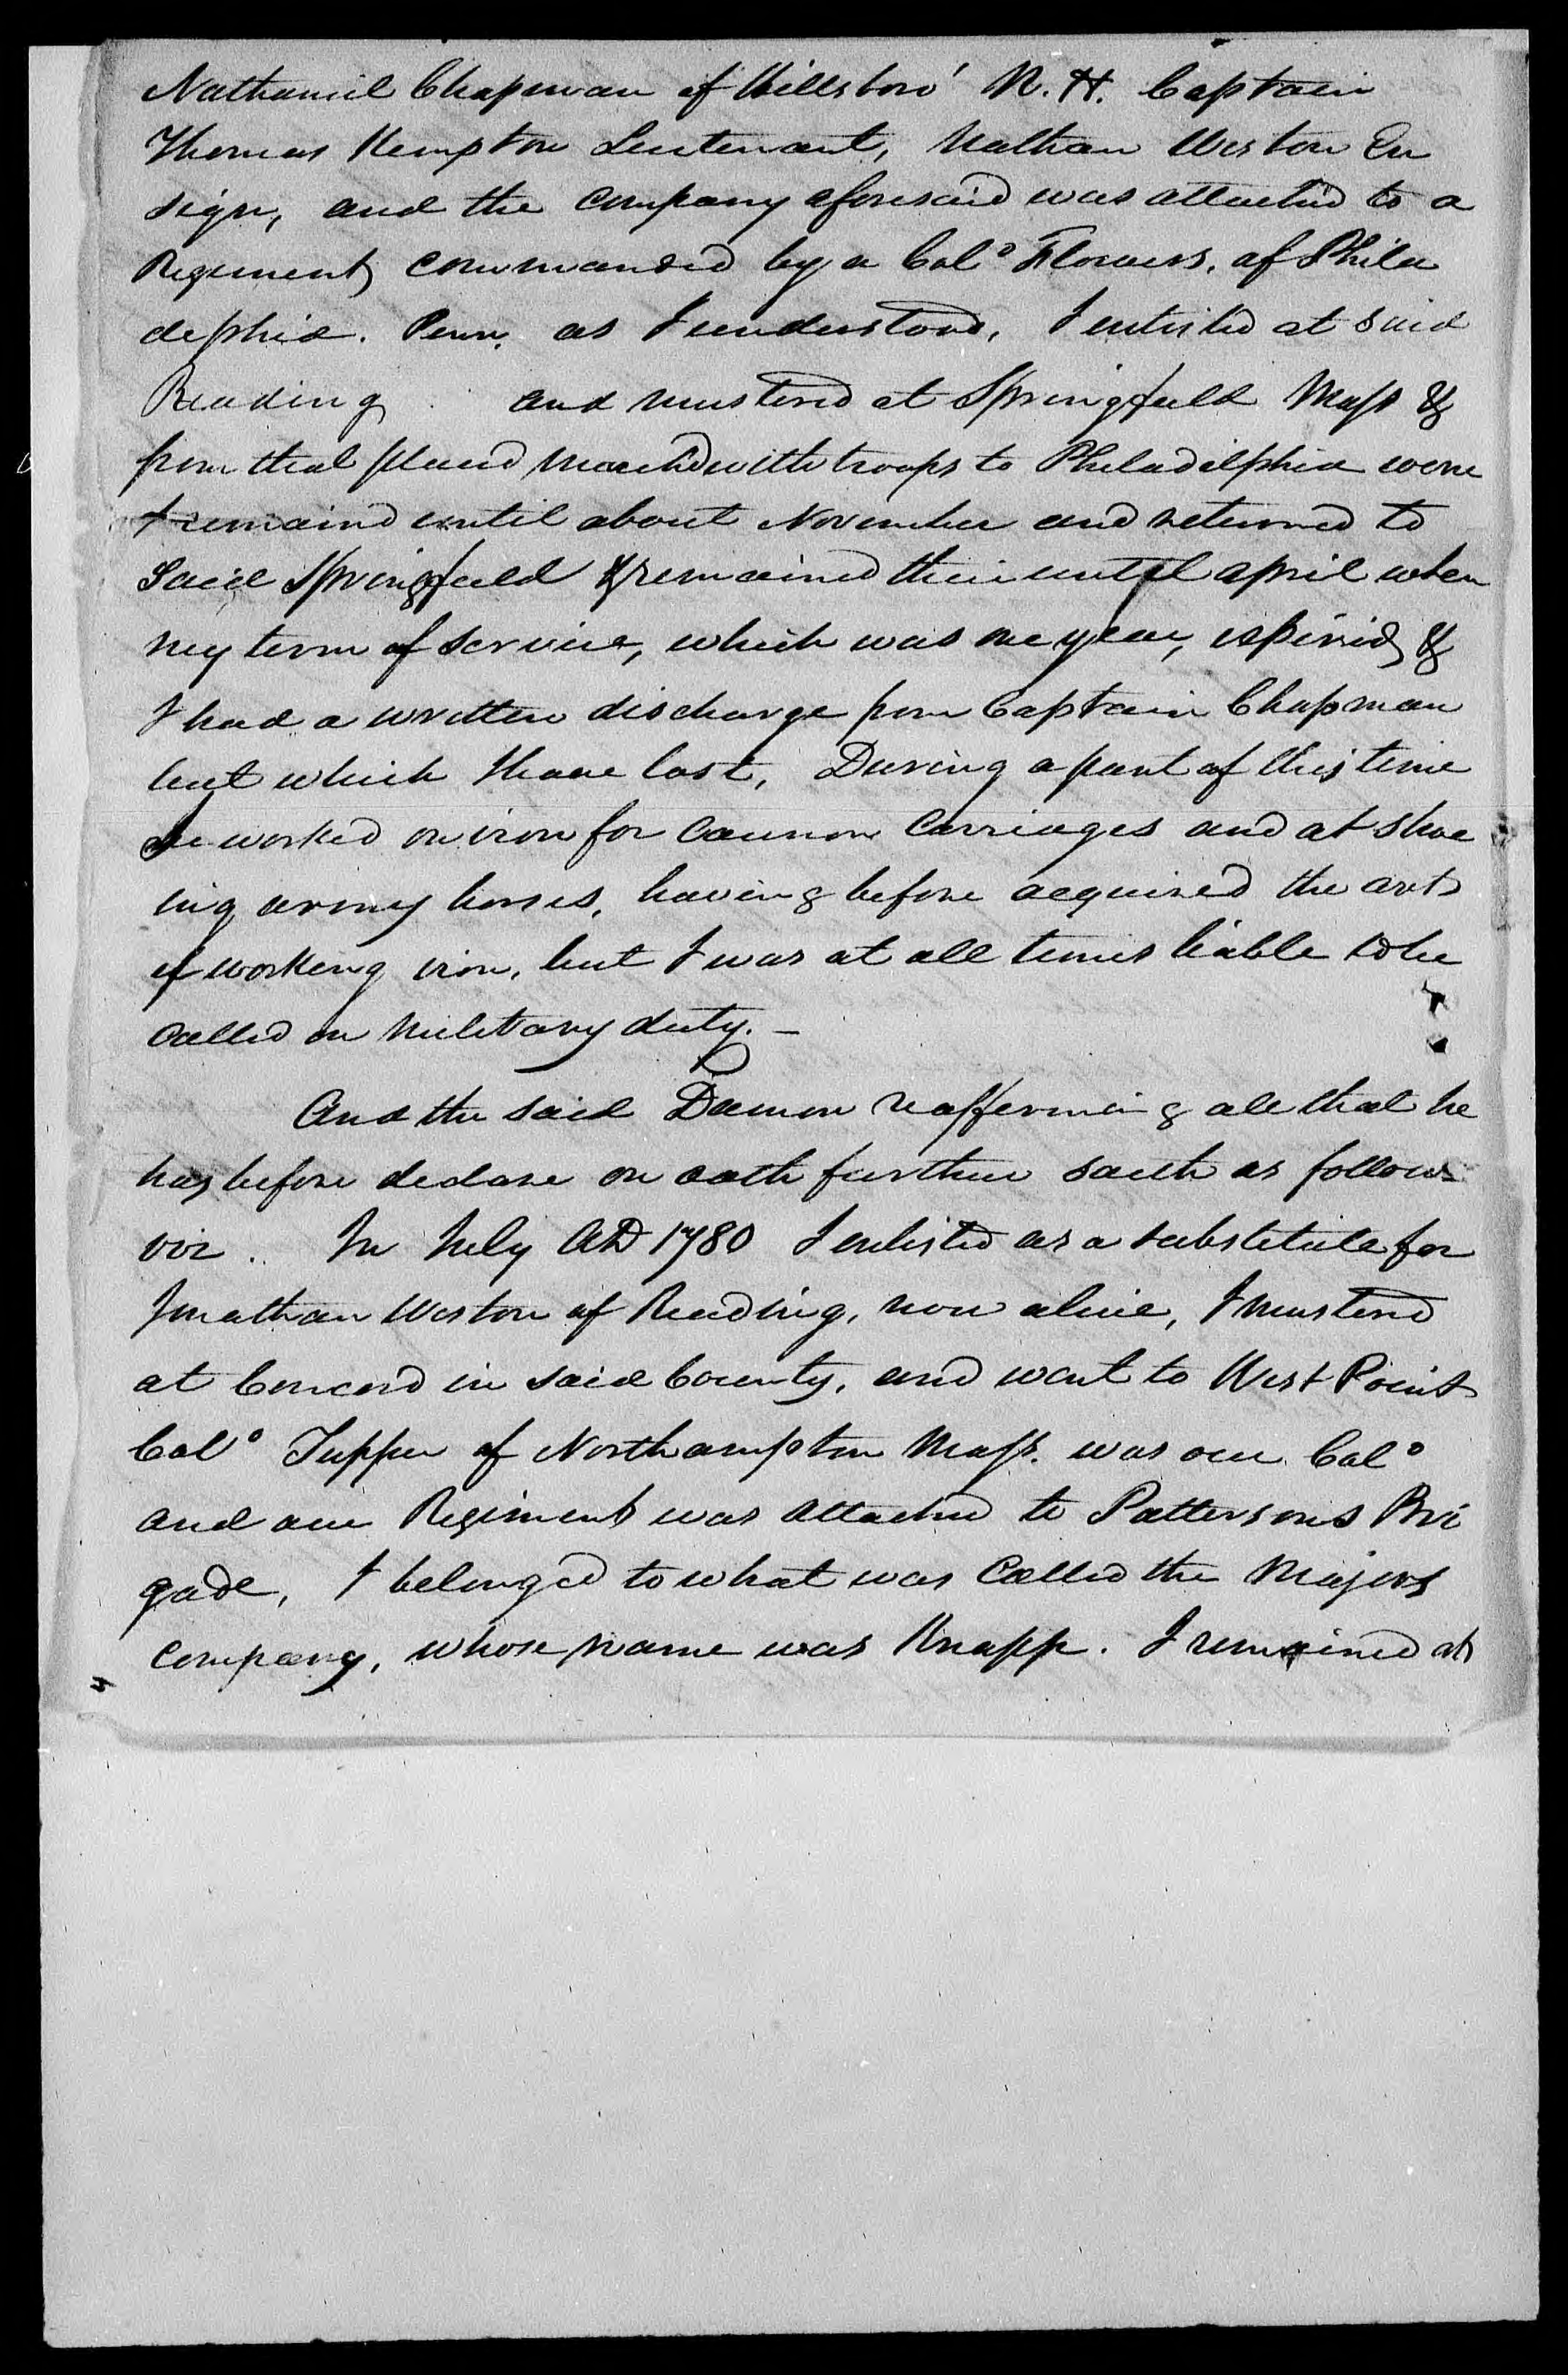Nathaniel Chapman of Hillsboro' N.H., Captain Thomas Kempton Lieutenant, Nathan Weston Ensign, and the company aforesaid was attached to a Regiment Commanded by a Col Flowers of Philadelphia Penn, as I understood. I enlisted at said Reading and mustered at Springfield Mass & from that place marched with troops to Philadelphia where I remained until about November and returned to said Springfield & remained there until April when my term of Service, which was one year, expired & I had a written discharge from Captain Chapman but which I have lost, During a part of the time I worked on iron for Caisson Carriages and at Shoeing army horses, having before acquired the arts of working iron, but I was at all times liable to be called on Military duty.- 

And the said Damon reaffirming all that he has before declare on oath further saith as follows, viz. In July AD 1780 I enlisted as a substitute for Jonathan Weston of Reading, now alive, I mustered at Concord in said County, and went to West Point. Col Tupper of Northampton Mass was our Col and our Regiment was attached to Patterson's Brigade. I belonged to what was called the Major's Company, whose name was Knapp. I remained at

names: Nathan Weston, Flowers, Damon, Jonathan Weston, Nathaniel Chapman, Knapp, Tupper, Thomas Kempton, Chapman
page: 6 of 28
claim: survivor's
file: S. 17376, Joseph Damon, Continental Mass.